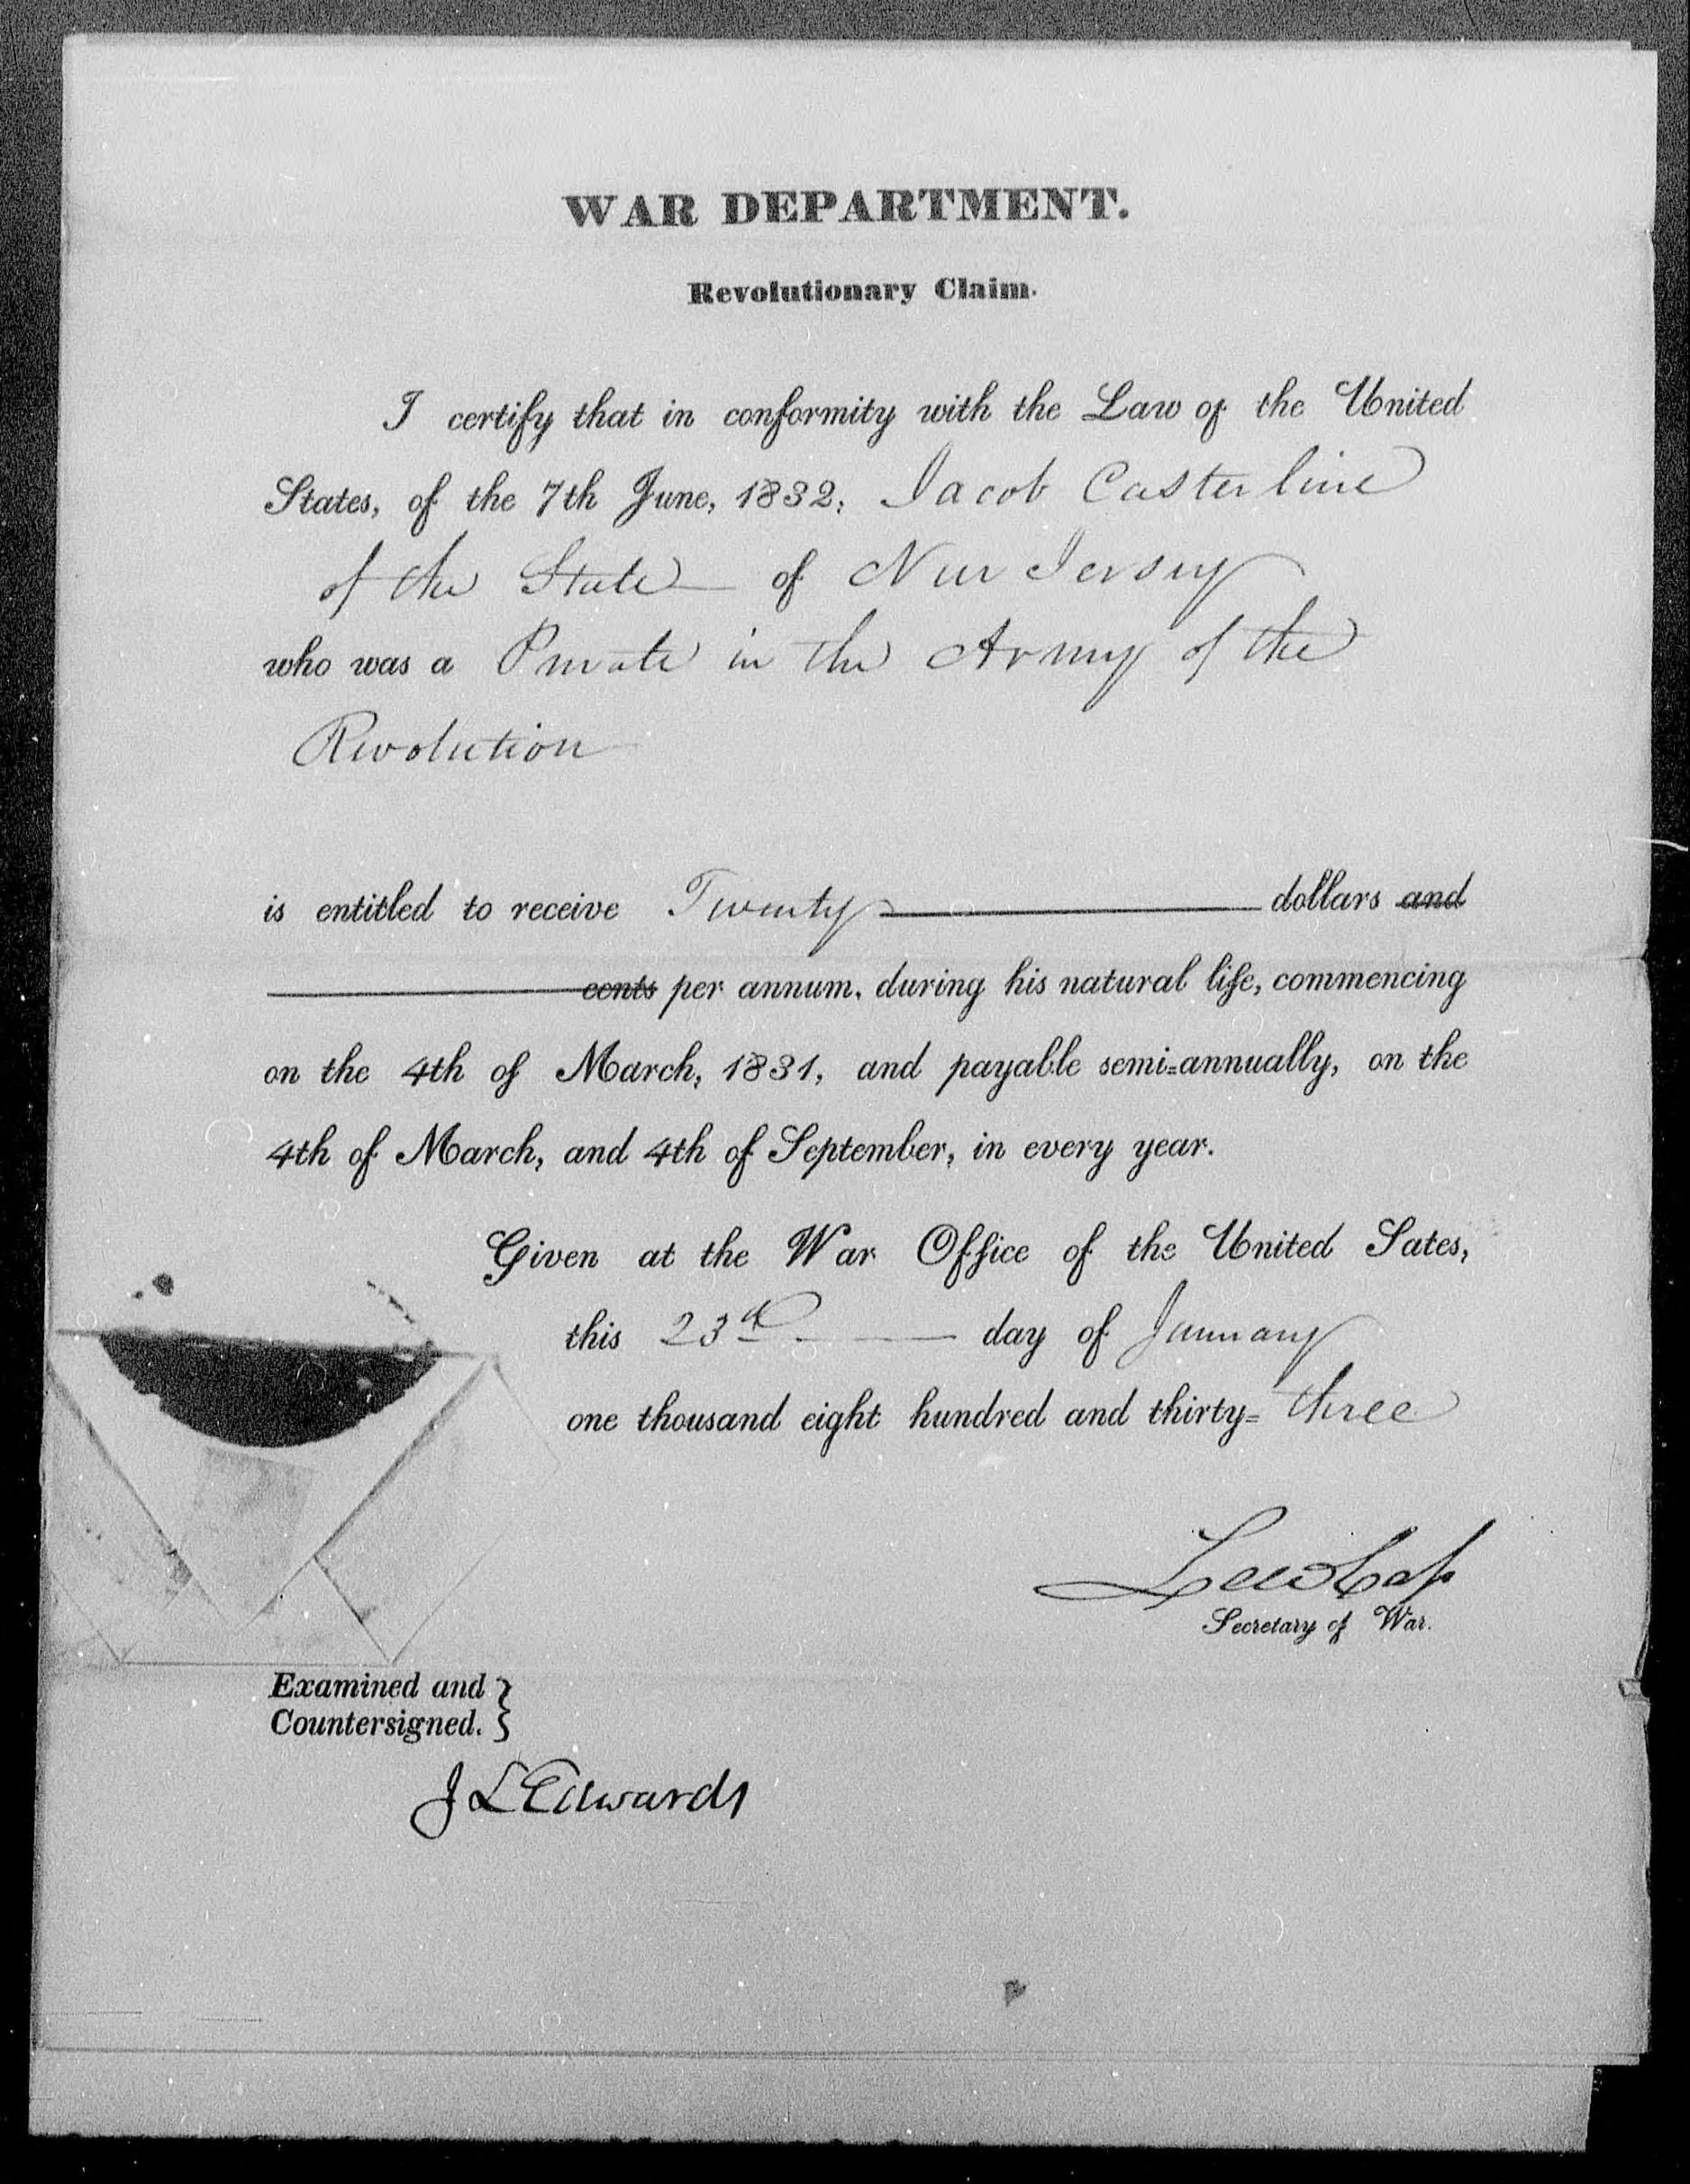War Department.
Revolutionary Claim
I certify that in conformity with the Law of the United States, of the 7th June 1832, Jacob Casterline of the state of New Jersey who was a private in the Army of the Revolution

is entitled to receive twenty dollars per annum, during his natural life, commencing on the 4th of March 1831, and payable semi-annually on the 4th of March and 4th of September in every year.

Given at the War Office of the United States this 23rd day of January one thousand eight hundred and thirty three.

Lew Cass
Secretary of War

Examined and 
Countersigned

JL Edwards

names: J L Edwards, Lew Cass, Jacob Casterline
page: 30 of 38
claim: widow's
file: W. 6644, Jacob Casterline, New Jersey